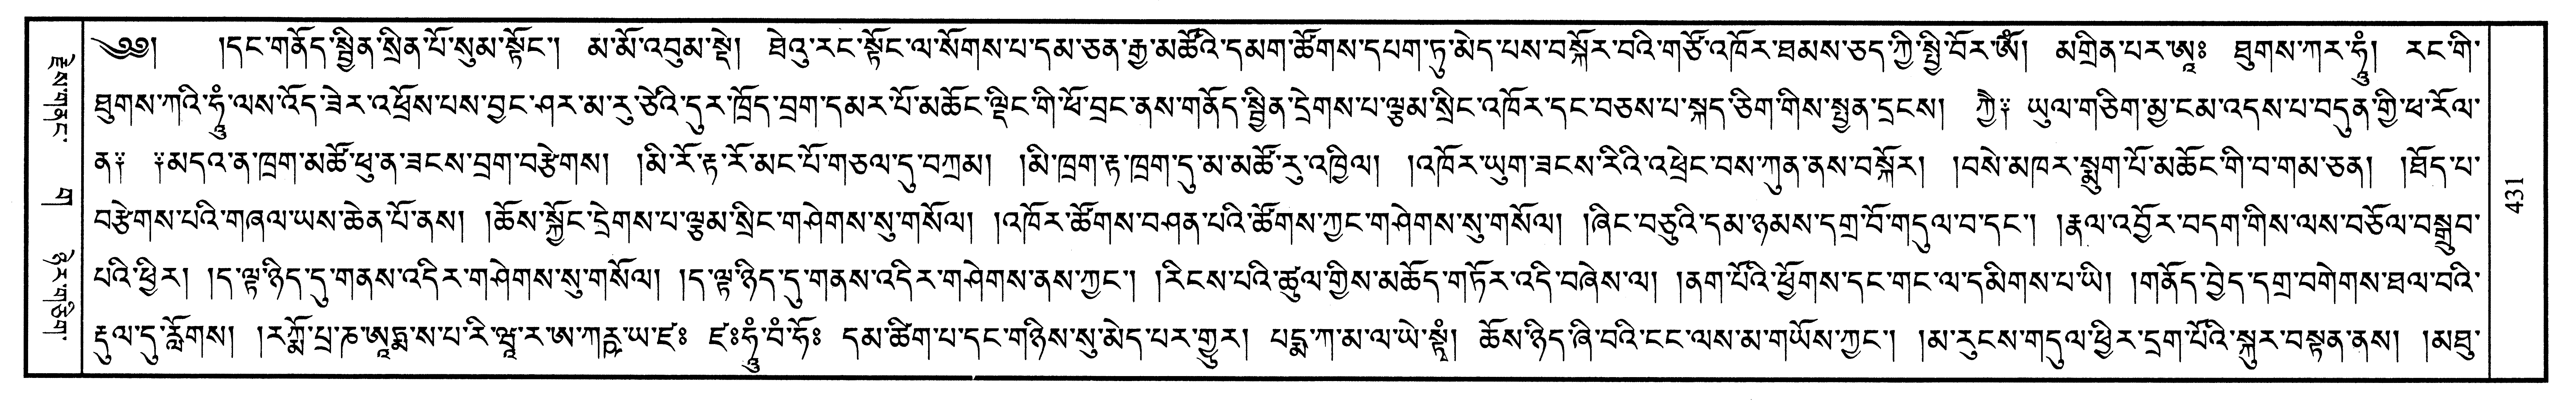༄༅། །དང་གནོད་སྦྱིན་སྲིན་པོ་སུམ་སྟོང་། མ་མོ་འབུམ་སྡེ། ཐེའུ་རང་སྟོང་ལ་སོགས་པ་དམ་ཅན་རྒྱ་མཚོའི་དམག་ཚོགས་དཔག་ཏུ་མེད་པས་བསྐོར་བའི་གཙོ་འཁོར་ཐམས་ཅད་ཀྱི་སྤྱི་བོར་ཨོཾ། མགྲིན་པར་ཨཱཿ ཐུགས་ཀར་ཧཱུཾ། རང་གི་
ཐུགས་ཀའི་ཧཱུཾ་ལས་འོད་ཟེར་འཕྲོས་པས་བྱང་ཤར་མ་རུ་ཙེའི་དུར་ཁྲོད་བྲག་དམར་པོ་མཆོང་ལྡིང་གི་ཕོ་བྲང་ནས་གནོད་སྦྱིན་དྲེགས་པ་ལྕམ་སྲིང་འཁོར་དང་བཅས་པ་སྐད་ཅིག་གིས་སྤྱན་དྲངས། ཀྱཻ༑ ཡུལ་གཅིག་མྱ་ངམ་འདས་པ་བདུན་གྱི་ཕ་རོལ་
ན༑ ༑མདའ་ན་ཁྲག་མཚོ་ཕུ་ན་ཟངས་བྲག་བརྩེགས། །མི་རོ་རྟ་རོ་མང་པོ་གཅལ་དུ་བཀྲམ། །མི་ཁྲག་རྟ་ཁྲག་དུ་མ་མཚོ་རུ་འཁྱིལ། །འཁོར་ཡུག་ཟངས་རིའི་འཕྲེང་བས་ཀུན་ནས་བསྐོར། །བསེ་མཁར་སྨུག་པོ་མཆོང་གི་བ་གམ་ཅན། །ཐོད་པ་
བརྩེགས་པའི་གཞལ་ཡས་ཆེན་པོ་ནས། །ཆོས་སྐྱོང་དྲེགས་པ་ལྕམ་སྲིང་གཤེགས་སུ་གསོལ། །འཁོར་ཚོགས་བཤན་པའི་ཚོགས་ཀྱང་གཤེགས་སུ་གསོལ། །ཞིང་བཅུའི་དམ་ཉམས་དགྲ་བོ་གདུལ་བ་དང་། །རྣལ་འབྱོར་བདག་གིས་ལས་བཅོལ་བསྒྲུབ་
པའི་ཕྱིར། །ད་ལྟ་ཉིད་དུ་གནས་འདིར་གཤེགས་སུ་གསོལ། །ད་ལྟ་ཉིད་དུ་གནས་འདིར་གཤེགས་ནས་ཀྱང་། །རིངས་པའི་ཚུལ་གྱིས་མཆོད་གཏོར་འདི་བཞེས་ལ། །ནག་པོའི་ཕྱོགས་དང་གང་ལ་དམིགས་པ་ཡི། །གནོད་བྱེད་དགྲ་བགེགས་ཐལ་བའི་
རྡུལ་དུ་རློགས། །རཀྨོ་པྲ་ཎ་ཨཱཏྨ་ས་པ་རི་ཝཱ་ར་ཨ་ཀརྵ་ཡ་ཛཿ ཛཿ ཧཱུཾ་བཾ་ཧོཿ དམ་ཚིག་པ་དང་གཉིས་སུ་མེད་པར་གྱུར། པདམ་ཀ་མ་ལ་ཡེ་སྟྭཾ། ཆོས་ཉིད་ཞི་བའི་ངང་ལས་མ་གཡོས་ཀྱང་། །མ་རུངས་གདུལ་ཕྱིར་དྲག་པོའི་སྐུར་བསྟན་ནས། །མཐུ་